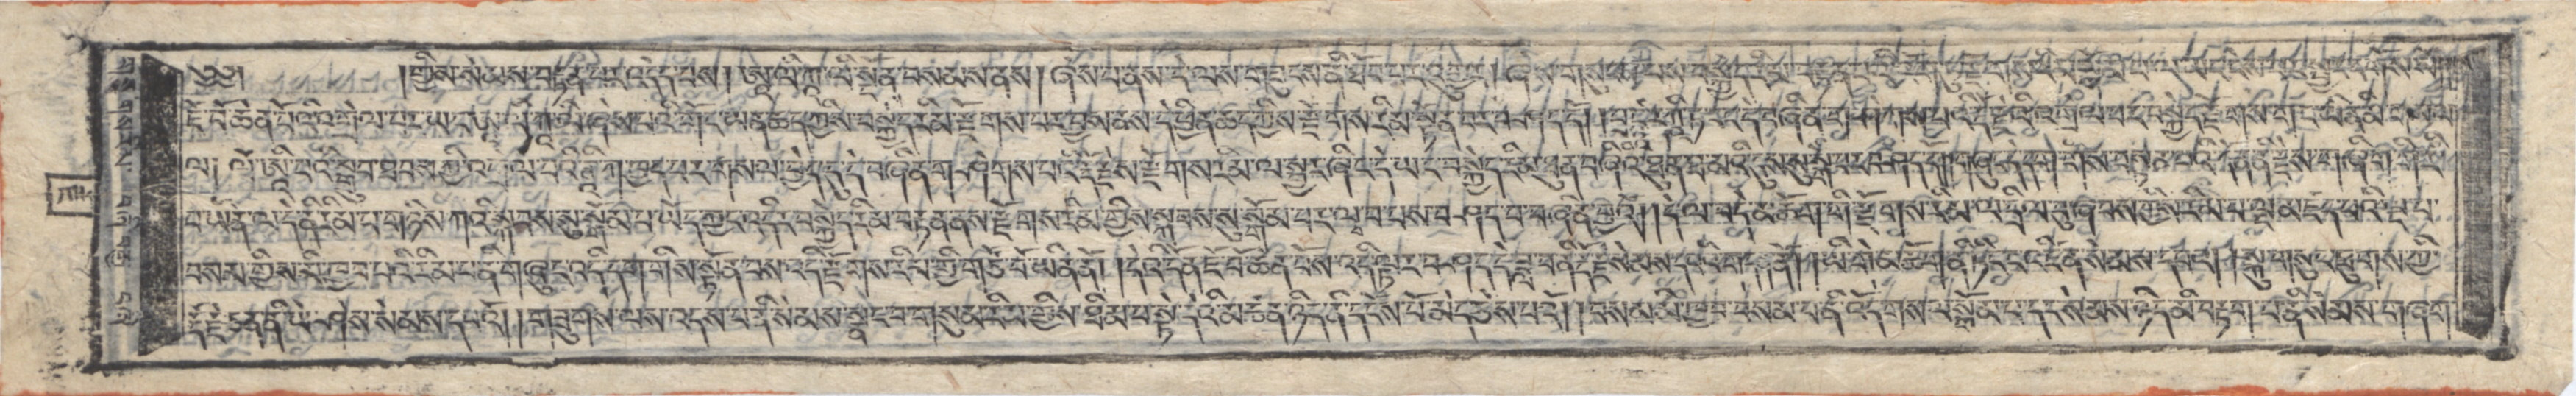༄༅། །གྱིས་སེམས་བརྟན་པར་འདོད་པས། ཨཱ་ལི་ཀཱ་ལི་སྔོན་བསམས་ནས། ཞེས་པ་ནས་དེ་ལས་གཟུངས་ནི་ཐོབ་པར་འགྱུར། ཞེས་གསུངས་པས་བསྐྱེད་རིམ་བརྟན་པའི་འོག་ཏུ་རྫོགས་རིམ་སྒོམ་པ་ལ་ཡང་ངེས་པར་སྦྱར་དགོས་སོ། །
ཇོ་བོ་ཆེན་པོའི་འགྲེལ་པར་ཡང་ཨཱ་ལི་ཀཱ་ལི་ཞེས་པའི་གོང་ཡན་ཆད་ཀྱིས་བསྐྱེད་རིམ་རྫོགས་པར་བྱས་ནས་དེ་ཕྱིན་ཆད་ཀྱིས་རྫོགས་རིམ་སྟོན་པར་བཤད་དོ། །པྲཛྙཱ་རཀྵི་ཏ་དང་དེ་བཞིན་གཤེགས་པའི་རྡོ་རྗེའི་འགྲེལ་པར་བསྐྱེད་རྫོགས་གང་ཡིན་མི་གསལ་
ལ༑ ལོ་ཨཱི་པའི་སྒྲུབ་ཐབས་ཀྱི་འགྲེལ་པའི་ཊཱི་ཀ་ཁྱད་པར་གསལ་བྱེད་དུ་དེ་བཞིན་གཤེགས་པའི་རྡོ་རྗེས་རྫོགས་རིམ་ལ་སྦྱར་ཞིང་དེ་ཡང་བསྐྱེད་རིམ་ཐུན་བཞིའི་ཐུན་ཐ་མའི་དུས་སུ་སྒོམ་པར་བཤད་དོ། །གཞུང་དེ་དག་གིས་བསྟན་པའི་དོན་ནི་རྗེས་གཞིག་གི་རིམ་
པ་ཡིན་ལ་དེ་ནི་རིམ་པ་གཉིས་ཀའི་སྐབས་སུ་སྒོམ་པ་ཡོད་ཀྱང་འདིར་བསྐྱེད་རིམ་བརྟན་ནས་རྫོགས་རིམ་གྱིས་སྐབས་སུ་སྒོམ་པར་ལྭ་བ་པས་བཤད་པ་བཞིན་བྱའོ། །དེ་ལ་བདེ་མཆོག་གི་རྫོགས་རིམ་ལ་དྲིལ་བུ་ཞབས་ཀྱིས་རིམ་པ་ལྔ་མཛད་པའི་ལྔ་པ་
བསམ་གྱིས་མི་ཁྱབ་པའི་རིམ་པ་ནི་གཞུང་འདི་དག་གིས་སྟོན་པས་འདི་རྫོགས་རིམ་གྱི་གཙོ་བོ་ཡིན་ནོ། །དེའི་དོན་ཇོ་བོ་ཆེན་པོས་འདི་ལྟར་བཤད་དེ་ཟླ་བ་ནི་རྡོ་རྗེ་སེམས་དཔའི་གདན་ནོ། །ཡི་གེ་མཆོག་ནི་ཏིང་ངེ་འཛིན་སེམས་དཔའ། །སྐུ་གསུང་ཐུགས་ཀྱི་
རྡོ་རྗེ་ཅན་ནི་ཡེ་ཤེས་སེམས་དཔའོ། །གཟུགས་ལས་འདས་པ་ནི་སེམས་སྣང་བ་གསུམ་རིམ་གྱིས་ཐིམ་པ་སྟེ་དེའི་མཚན་ཉིད་ནི་དངོས་པོ་མེད་ཅེས་པའོ། །བསམ་མི་ཁྱབ་བསམ་པ་ནི་འོད་གསལ་སྒོམ་པ་དང་སེམས་ཉིད་མི་བརྟག་པ་ནི་སེམས་གཞག་